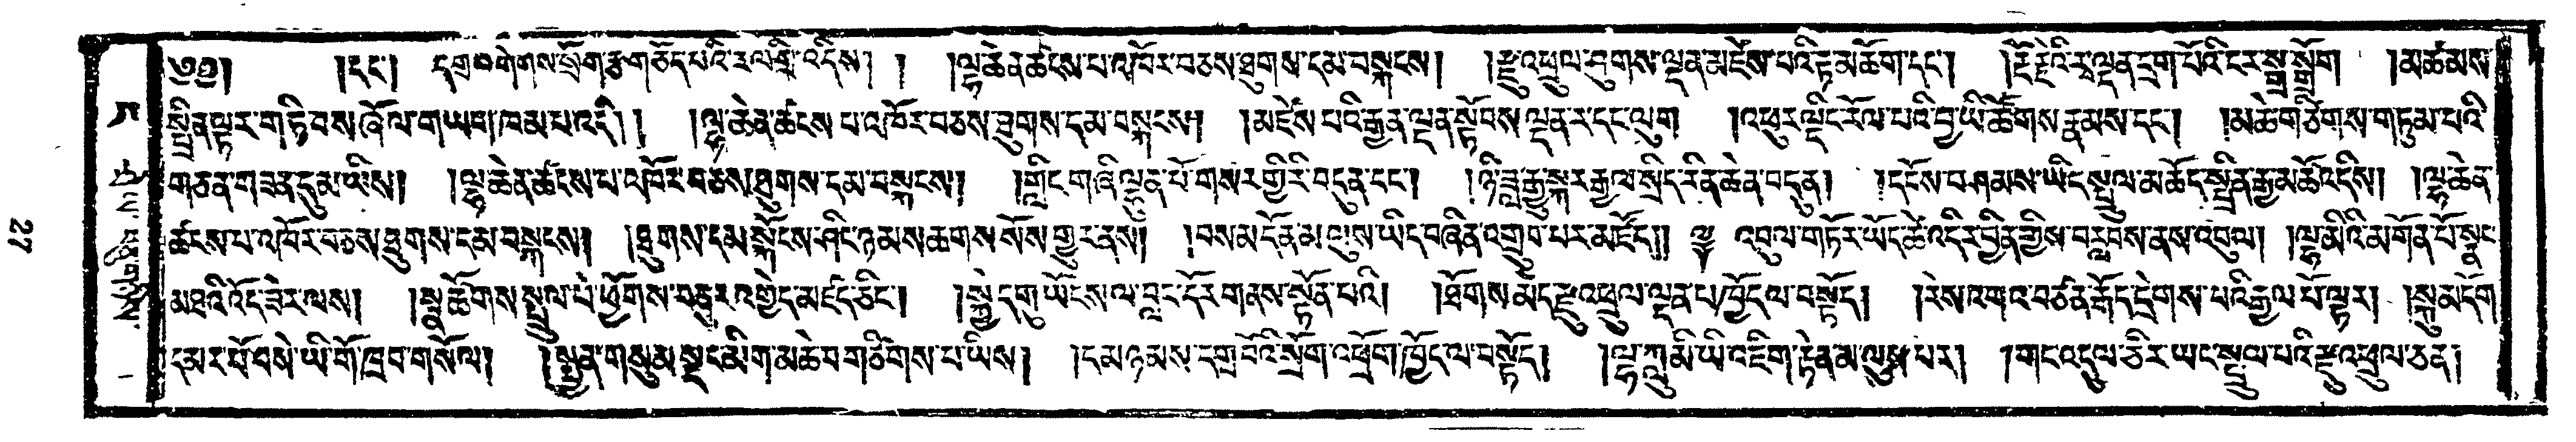༄༅། །དང་། དགྲ་བགེགས་སྲོག་རྩ་གཅོད་པའི་རལ་གྲི་འདིས། །ལྷ་ཆེན་ཚངས་པ་འཁོར་བཅས་ཐུགས་དམ་བསྐངས། །རྫུ་འཕྲུལ་ཤུགས་ལྡན་མཛེས་པའི་རྟ་མཆོག་དང་། །རྡོ་རྗེའི་རྭ་ལྡན་དྲག་པོའི་ངར་སྒྲ་སྒྲོག །མཚམས་
སྤྲིན་ལྟར་གཏིབས་ཞོལ་གཡག་ཁམ་པ་འདི། །ལྷ་ཆེན་ཚངས་པ་འཁོར་བཅས་ཐུགས་དམ་བསྐངས། །མཛེས་པའི་རྒྱན་ལྡན་སྟོབས་ལྡན་ར་དང་ལུག །འཕུར་ལྡིང་རོལ་པའི་བྱ་ཡི་ཚོགས་རྣམས་དང་། །མཆེ་གཙིགས་གཏུམ་པའི་
གཅན་གཟན་དུམ་ཡིས། །ལྷ་ཆེན་ཚངས་པ་འཁོར་བཅས་ཐུགས་དམ་བསྐངས། །གླིང་གཞི་ལྷུན་པོ་གསེར་གྱི་རི་བདུན་དང་། །ཉི་ཟླ་རྒྱུ་སྐར་རྒྱལ་སྲིད་རིན་ཆེན་བདུན། །དངོས་བཤམས་ཡིད་སྤྲུལ་མཆོད་སྤྲིན་རྒྱ་མཚོ་འདིས། །ལྷ་ཆེན་
ཚངས་པ་འཁོར་བཅས་ཐུགས་དམ་བསྐངས། །ཐུགས་དམ་སྐོངས་ཤིང་ཉམས་ཆགས་སོས་གྱུར་ནས། །བསམ་དོན་མ་ལུས་ཡིད་བཞིན་འགྲུབ་པར་མཛོད།། ༈ འབུལ་གཏོར་ཡོད་ཚེ་འདིར་བྱིན་གྱིས་བརླབས་ནས་འབུལ། །ལྷ་མིའི་མགོན་པོ་སྣང་
མཐའི་འོད་ཟེར་ལས། །སྣ་ཚོགས་སྤྲུལ་པ་ཕྱོགས་བཅུར་འགྱེད་མཛད་ཅིང་། །སྐྱེ་དགུ་ཡོངས་ལ་བླང་དོར་གནས་སྟོན་པའི། །ཐོགས་མེད་རྫུ་འཕྲུལ་ལྡན་པ་ཁྱོད་ལ་བསྟོད། །རེས་འགའ་བཙན་རྒོད་དྲེགས་པའི་རྒྱལ་པོ་ལྟར། །སྐུ་མདོག་
དམར་པོ་བསེ་ཡི་གོ་ཁྲབ་གསོལ། །སྤྱན་གསུམ་སྡང་མིག་མཆེ་བ་གཙིགས་པ་ཡིས། །ངམ་ཉམས་དགྲ་བོའི་སྲོག་འཕྲོག་ཁྱོད་ལ་བསྟོད། །ལྷ་ཀླུ་མི་ཡི་འཇིག་རྟེན་མ་ལུས་པར། །གང་འདུལ་ཅིར་ཡང་སྤྲུལ་པའི་རྫུ་འཕྲུལ་ཅན།